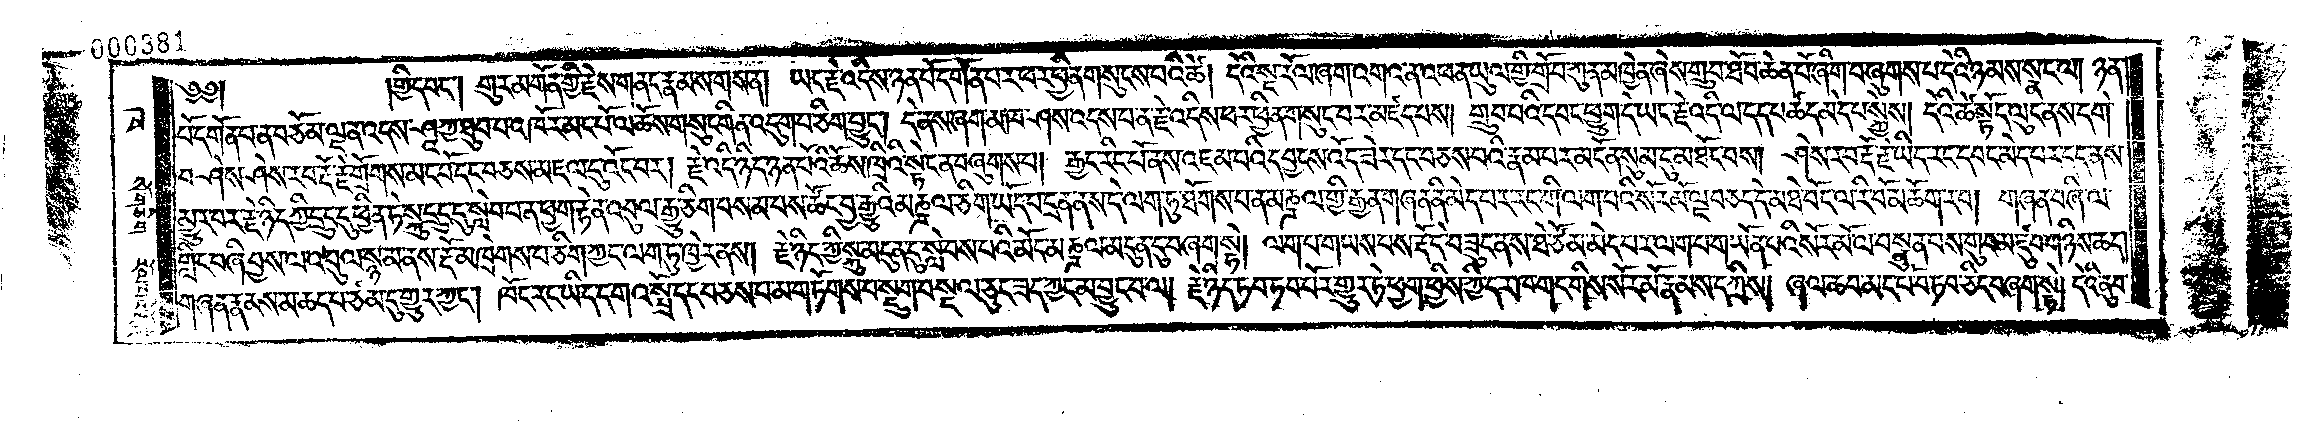༄༅། །གྱི་དབང་། གུར་མགོན་གྱི་རྗེས་གནང་རྣམས་གསན། ཡང་རྗེ་འདིས་ཉན་པོ་དགོན་པར་ཕར་ཕྱིན་གསུངས་པའི་ཚེ། དེའི་སྔ་རོལ་ཞག་འགའ་ན་འཕན་ཡུལ་གྱི་གྲོ་བ་ཀུན་མཁྱེན་ཞེས་གྲུབ་ཐོབ་ཆེན་པོ་ཞིག་བཞུགས་པ་དེའི་ཉམས་སྣང་ལ། ཉན་
པོ་དགོན་པ་ན་བཅོམ་ལྡན་འདས་ཤཱཀྱ་ཐུབ་པ་འཁོར་མང་པོ་ལ་ཆོས་གསུང་གི་ན་འདུག་པ་ཅིག་བྱུང་། དེ་ནས་ཞག་མ་ཁ་ཤས་འདས་པ་ན་རྗེ་འདིས་ཕར་ཕྱིན་གསུང་བར་མཛད་པས། གྲུབ་པའི་དབང་ཕྱུག་དེ་ཡང་རྗེ་འདི་ལ་དད་པ་ཚད་མེད་པ་སྐྱེས། དེའི་ཚེ་སྟོད་ལུང་ནས་དགེ་
བཤེས་ཤེས་རབ་རྡོ་རྗེ་གྲོགས་མང་པོ་དང་བཅས་མཇལ་དུ་འོང་བར། རྗེ་འདི་ཉིད་ཉན་པོའི་ཆོས་ཁྲིའི་སྟེང་ནས་བཞུགས་པ། རྒྱང་རིང་པོ་ནས་འཇམ་པའི་དབྱངས་འོད་ཟེར་དང་བཅས་པའི་རྣམ་པར་མངོན་སུམ་དུ་མཐོང་བས། ཤེས་རབ་རྡོ་རྗེ་ཡིད་རང་དབང་མེད་པར་དད་ནས་
མྱུར་བར་རྗེ་ཉིད་ཀྱི་དྲུང་དུ་ཕྱིན་ཏེ་སྐུ་དྲུང་དུ་སླེབ་པ་ན་ཕྱག་རྟེན་འབུལ་རྒྱུ་ཅིག་བསམ་པས་ཚོང་བྱ་རྒྱུའི་མཎྜལ་ཅིག་ཡོད་པ་དྲན་ནས་དེ་ལག་ཏུ་ཐོགས་པ་ན་མཎྜལ་གྱི་རྒྱན་གཞན་ནི་མེད་པར་རང་གི་ལག་པའི་སོར་མོ་ལྔ་བཅད་དེ་མཐེ་བོང་ལ་རི་བོ་མཆོག་རབ། གཞན་བཞི་ལ་
གླིང་བཞི་བྱས་ལ་འབུལ་སྙམ་ནས་རྡོ་མཁྲེགས་པ་ཅིག་ཀྱང་ལག་ཏུ་ཁྱེར་ནས། རྗེ་ཉིད་ཀྱི་སྐུ་མདུན་དུ་སླེབས་པའི་མོང་མཎྜལ་མདུན་དུ་བཞག་སྟེ། ལག་པ་གཡས་པས་རྡོ་དེ་བཟུང་ནས་ཐེ་ཙོམ་མེད་པར་ལག་པ་གཡོན་པའི་སོར་མོ་ལ་བསྣུན་པས་གུང་མཛུབ་གཉིས་ཆད།
གཞན་རྣམས་མ་ཆད་པ་ཙམ་དུ་གྱུར་ཀྱང་། ཁོང་རང་ཡིད་དགའ་སྤྲོ་དང་བཅས་པ་མ་གཏོགས་པ་སྡུག་བསྔལ་ཅུང་ཟད་ཀྱང་མ་བྱུང་བ་ལ། རྗེ་ཉིད་ཏབ་ཏབ་པོར་གྱུར་ཏེ་ཕྱག་ཕྱིས་ཀྱི་དར་ཁ་གང་གིས་སོར་མོ་རྣམས་དཀྲིས། ཞལ་ཆབ་མང་པོ་བཏབ་ཅིང་བཞག་སྟེ། དེའི་ནུབ་